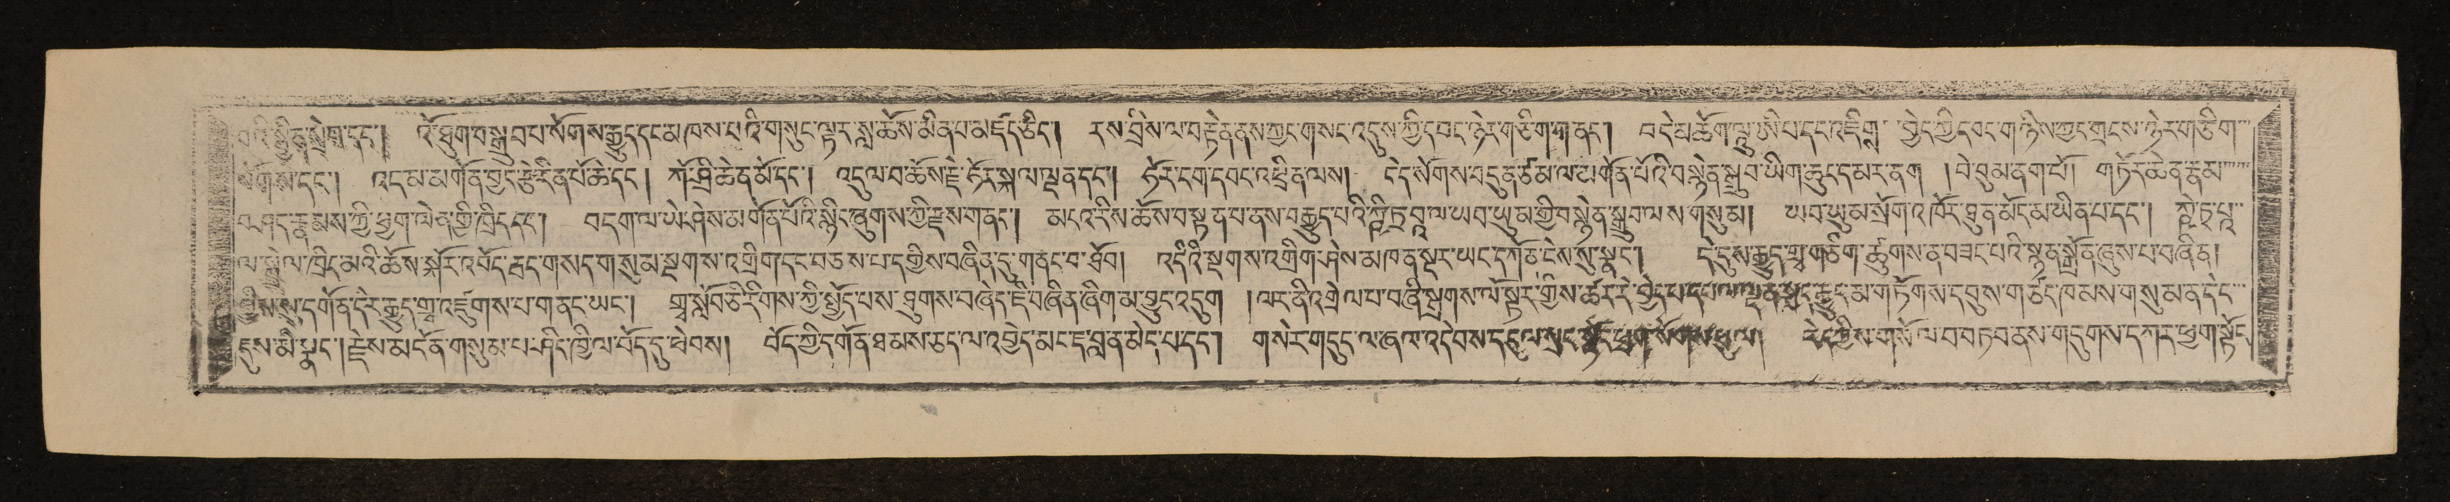བའི་སྦྱིན་སྲེད་དང་། འོ་ཐུག་བསྒྲུབ་བ་སོགས་རྒྱུད་དང་མཁས་པའི་གསུང་ལྟར་སླ་ཆོས་མིན་པ་མཛད་ཅིང་། རས་བྲིས་ལ་བརྟེན་ནས་ཀྱང་གསང་འདུས་ཀྱི་དབང་ཉེར་གཅིག་གནང་། བདེ་མཆོག་ལཱུ་ཨི་བ་དང་འཇིགས་བྱེད་ཀྱི་དབང་གཉིས་ཀྱང་གྲངས་ཉེར་གཅིག་
སོགས་དང་། འཇམ་མགོན་བྱང་རྩེ་རིན་པོ་ཆེ་དང་། ཀོ་ཤྲི་ཆེན་མོ་དང་། འདུལ་བ་ཆོས་རྗེ་ཧོར་སྐལ་ལྡན་དང་། ཧོར་ངག་དབང་འཕྲིན་ལས། ངེད་སོགས་བདུན་ཙམ་ལ་མགོན་ངོའི་བསྟེན་སྒྲུབ་ཡིག་ཆུང་དམར་ནག། །བེ་བུམ་ནག་པོ། གཏོར་ཆེན་རྣམ་
བཤད་རྣམས་ཀྱི་ཕྱག་ལེན་གྱི་ཁྲིད་དང་། བདག་ལ་ཡེ་ཤེས་མགོན་པོའི་སྙིང་ཞུགས་ཀྱི་རྫས་གནང་། མངའ་རིས་ཆོས་བསྟན་པ་ནས་བརྒྱུད་པའི་ཀྵེ་ཏྲ་བཱ་ལ་ཡབ་ཡུམ་གྱི་བསྙེན་སྒྲུབ་ལས་གསུམ། ཡབ་ཡུམ་སྲོག་འཁོར་ཐུན་མོང་མ་ཡིན་པ་དང་། ཀྵེཏྲ་བཱ་
ལ་སྤྲེལ་ཁྲིང་མའི་ཆོས་སྐོར་འབོད་རྦད་གསང་གསུམ་སྔགས་འགྲིག་དང་བཅས་པ་དགྱེས་བཞིན་དུ་གནང་བ་ཐོབ། འདིའི་སྔགས་འགྲིག་ཤེས་མཁན་སྔར་ཡང་དཀོན་ངེས་སུ་སྣང་། དེ་དུས་རྒྱུད་གྲྭ་གཅིག་ཚུགས་ན་བཟང་པའི་སྙན་སྒྲོན་ཞུས་པ་བཞིན།
ཕྱིས་སུ་དགོན་དེར་རྒྱུད་སྔ་འཛུགས་པ་གནང་ཡང་། གྲྭ་སློབ་ཅི་རིགས་ཀྱི་སྤྱོད་པས་ཐུགས་བཞེད་ཇི་བཞིན་ཞིག་མ་བྱུང་འདུག །ལར་ནི་འགྲེལ་བཞི་སྦྲགས་ལ་སྟར་གྱིས་ཚར་རེ་བྱེད་བ་དཔལ་ལྡན་སྨད་རྒྱུད་མ་གཏོགས་དབུས་གཙང་ཁམས་གསུམ་ན་དེང་
དུས་མི་སྣང་། རྗེས་མངོན་གསུམ་པ་ཤིང་ཁྱིལ་བོད་དུ་ཕེབས། བོད་ཀྱི་དགོན་ཐམས་ཅད་ལ་འབྱེད་མང་ཇ་བླ་ན་མེད་པ་དང་། གསེར་གདུང་ལ་ཞལ་འདེབས་དངུལ་སྲང་སྟོང་ཕྲག་སོགས་ཕུལ། ངེད་ཀྱིས་ག་གོལ་བ་བཏབ་ནས་གདུགས་དཀར་ཕྱག་སྟོང་